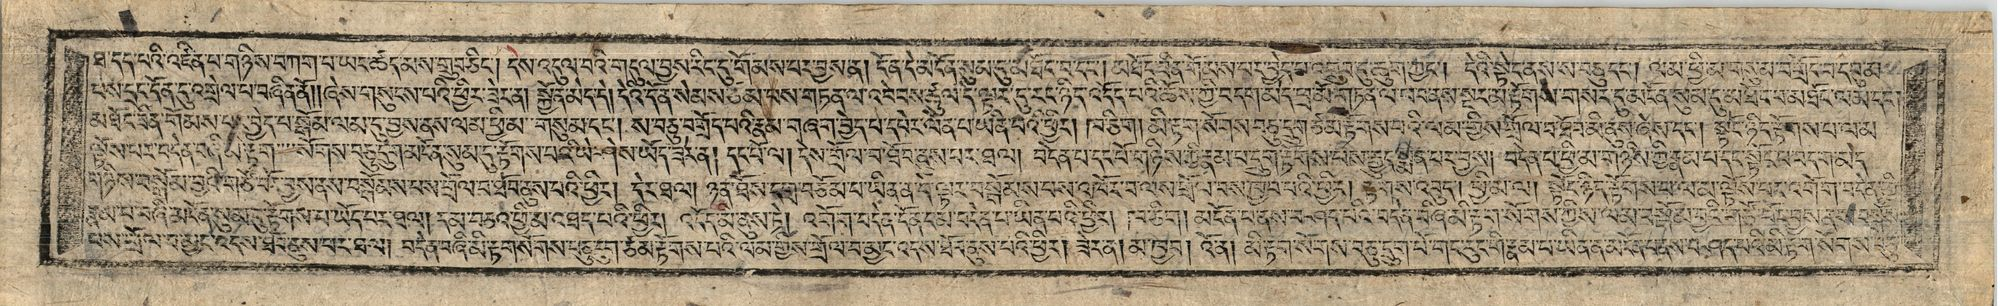ཐ་དད་པའི་འཛིན་པ་གཉིས་བཀག་པ་ཡང་ཚད་མས་གྲུབ་ཅིང་། དེས་འདུལ་བའི་གདུལ་བྱས་རིང་དུ་གོམས་པར་བྱས་ན། དོན་དེ་མངོན་སུམ་དུ་མཐོང་བ་དང་། མཐོང་ཟིན་གོམས་བར་བྱེད་པ་འགྲུབ་དུ་ཆུག་ཀྱང་། དེའི་སྟེང་ནས་ས་བཅུ་དང་། ལམ་ཕྱི་མ་གསུམ་བགྲོངྦ་དབུ་མ་
པས་དྲང་དོན་དུ་འགྲེལ་པ་བཞིན་ནོ། །ཞེས་གསུངས་པའི་ཕྱིར་ཟེར་ན། སྐྱོན་མེད་དེ། དེའི་དོན་སེམས་ཙམ་པས་གཏན་ལ་འབེབས་ཚུལ་དེ་ལྟར་དུ་རང་ཉིད་འདོད་པའི་ཆོས་ཀྱི་བདག་མེད་ཕྲ་མོ་གཏན་ལ་ཕབ་ནས་སྔར་མ་རྟོགས་གསར་དུ་མངོན་སུམ་དུ་མཐོང་བ་མཐོང་ལམ་དང་།
མཐོང་ཟིན་གོམས་པར་བྱེད་པ་སྒོམ་ལམ་དུ་བྱས་ནས་ལམ་ཕྱི་མ་གསུམ་དང་། ས་བཅུ་བགྲོད་པའི་རྣམ་གཞག་བྱེད་པ་དཔེར་ལེན་པ་ཡིན་པའི་ཕྱིར། ཁ་ཅིག ། མི་རྟག་སོགས་བཅུ་དྲུག་ཙམ་རྟོགས་པའི་ལམ་གྱིས་གྲོལ་བ་ཐོབ་མི་ནུས་ཞེས་དང་། སྟོང་ཉིད་རྟོགས་པ་ལ་མ་
ལྟོས་པར་བདེན་བཞི་མི་རྟག་སོགས་བཅུ་དྲུག་མངོན་སུམ་དུ་རྟོགས་པའི་ཡེ་ཤེས་ཡོད་ཟེར་ན། དང་པོ་ལ། དེས་གྲོལ་བ་ཐོབ་ནུས་པར་ཐལ། བདེན་པ་དང་པོ་གཉིས་ཀྱི་རྣམ་པ་དྲུག་རྟོགས་པས་རྒྱུད་སྨིན་པར་བྱས། བདེན་པ་ཕྱི་མ་གཉིས་ཀྱི་རྣམ་པ་དང་སྟོང་བ་བདག་མེད་
གཉིས་བསྒོམ་བྱའི་གཙོ་བོར་བྱས་ནམ་བསྒོམས་པས་གྲོལ་བ་ཐོབ་ནུས་པའི་ཕྱིར། དེར་ཐལ། ཉན་ཐོས་དགྲ་བཅོམ་པ་ཡིན་ན་དེ་ལྟར་བསྒོམས་པས་འཁོར་བ་ལས་གྲོལ་བས་ཁྱབ་པའི་ཕྱིར། རྟགས་འབུད། ཕྱི་མ་ལ། སྟོང་ཉིད་རྟོགས་པ་ལ་མ་ལྟོས་པར་འགོག་བདེན་གྱི་
རྣམ་པ་བཞི་མངོན་སུམ་དུ་རྟོགས་པ་ཡོད་པར་ཐལ། དམ་བཅའ་ཕྱི་མ་འཐད་པའི་ཕྱིར། འདོད་མི་ནུས་ཏེ། འགོག་བདེན་དོན་དམ་བདེན་པ་ཡིན་པའི་ཕྱིར། ཁ་ཅིག ། མངོན་པ་ནས་བཤད་པའི་བདེན་བཞི་མི་རྟག་སོགས་ཀྱིས་ལམ་བསྒོམ་བྱའི་གཙོ་བོར་བྱས་ནས་བསྒོམས་
པས་གྲོལ་བ་མྱང་འདས་ཐོབ་ནུས་པར་ཐལ། བདེན་བཞི་མི་རྟག་སོགས་བཅུ་དྲུག་ཙམ་རྟོགས་པའི་ལམ་གྱིས་གྲོལ་བ་མྱང་འདས་ཐོབ་ནུས་པའི་ཕྱིར། ཟེར་ན། མ་ཁྱབ། འོ་ན། མི་རྟག་སོགས་བཅུ་དྲུག་པོ་གང་རུང་གི་རྣམ་པ་ཡིན་ན་མངོན་པ་ནས་བཤད་པའི་མི་རྟག་སོགས་བཅུ་